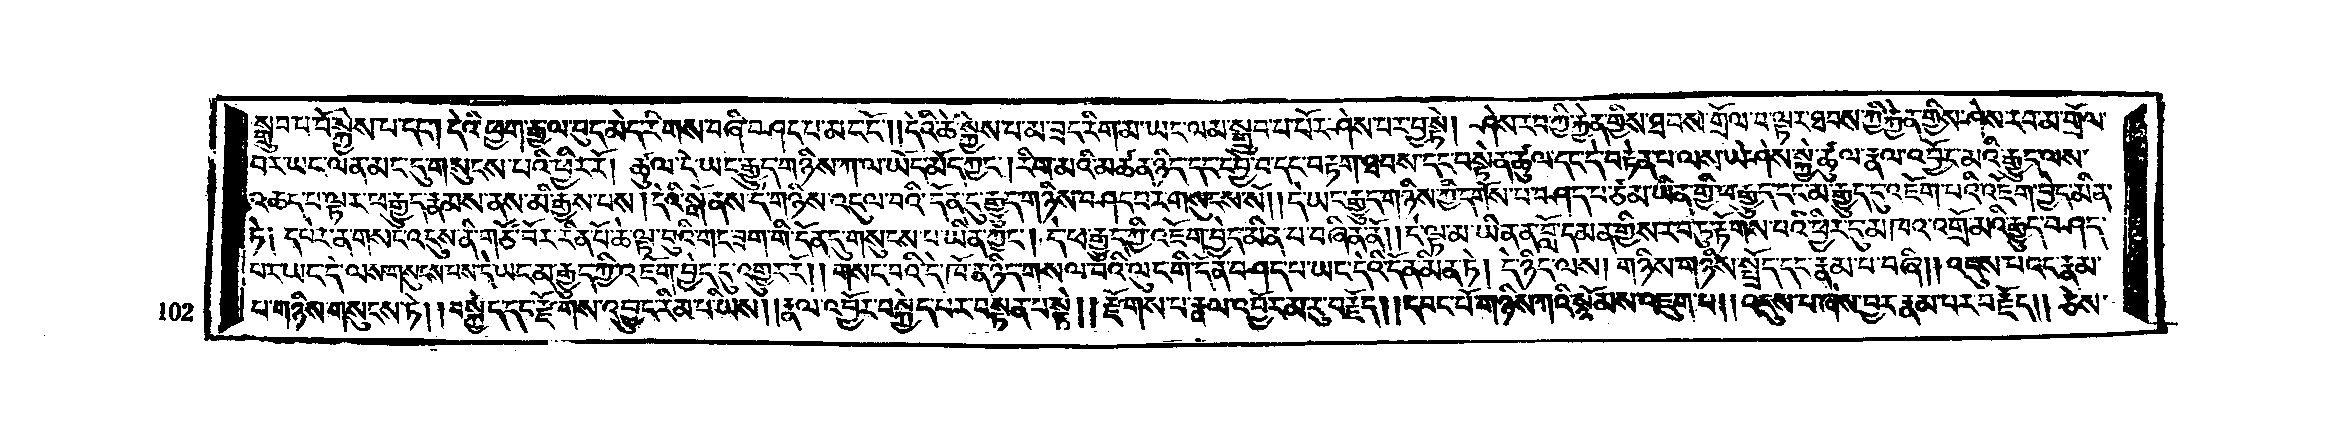སྒྲུབ་པ་པོ་སྐྱེས་པ་དང་། དེའི་ཕྱག་རྒྱ་ལ་བུད་མེད་རིགས་བཞི་བཤད་པ་མང་ངོ། །དེའི་ཚེ་སྐྱེས་པ་མ་ཟད་རིག་མ་ཡང་ལམ་སྒྲུབ་པ་པོར་ཤེས་པར་བྱ་སྟེ། ཤེས་རབ་ཀྱི་རྐྱེན་གྱིས་ཐབས་གྲོལ་བ་ལྟར་ཐབས་ཀྱི་རྐྱེན་གྱིས་ཤེས་རབ་མ་གྲོལ་
བར་ཡང་ལན་མང་དུ་གསུངས་པའི་ཕྱིར་རོ། །ཚུལ་དེ་ཡང་རྒྱུད་གཉིས་ཀ་ལ་ཡོད་མོད་ཀྱང་། རིག་མའི་མཚན་ཉིད་དང་དབྱེ་བ་དང་བརྟག་ཐབས་དང་བསྟེན་ཚུལ་དང་དེ་བརྟེན་པ་ལས་ཡེ་ཤེས་སྐྱེ་ཚུལ་རྣལ་འབྱོར་མའི་རྒྱུད་ལས་
འཆད་པ་ལྟར་ཕ་རྒྱུད་རྣམས་ནས་མི་རྒྱས་པས། དེའི་སྒོ་ནས་དེ་གཉིས་འདུལ་བའི་དོན་དུ་རྒྱུད་གཉིས་བཤད་པར་གསུངས་སོ། །དེ་ཡང་རྒྱུད་གཉིས་ཀྱི་དགོས་པ་བཤད་པ་ཙམ་ཡིན་གྱི་ཕ་རྒྱུད་དང་མ་རྒྱུད་དུ་འཇོག་པའི་འཇོག་བྱེད་མིན་
ཏེ། དཔེར་ན་གསང་འདུས་ནི་གཙོ་བོར་རིན་པོ་ཆེ་ལྟ་བུའི་གང་ཟག་གི་དོན་དུ་གསུངས་པ་ཡིན་ཀྱང་། དེ་ཕ་རྒྱུད་ཀྱི་འཇོག་བྱེད་མིན་པ་བཞིན་ནོ། །དེ་ལྟ་མ་ཡིན་ན་བློ་དམན་གྱིས་རབ་ཏུ་རྟོགས་པའི་ཕྱིར་དུ་མཁའ་འགྲོ་མའི་རྒྱུད་བཤད་
པར་ཡང་དེ་ལས་གསུངས་པས་དེ་ཡང་མ་རྒྱུད་ཀྱི་འཇོག་བྱེད་དུ་འགྱུར་རོ། །གསང་བའི་དེ་ཁོ་ན་ཉིད་གསལ་བའི་ལུང་གི་དོན་བཤད་པ་ཡང་དེའི་དོན་མིན་ཏེ། དེ་ཉིད་ལས། གཉིས་གཉིས་སྤྲོད་དང་རྣམ་པ་བཞི། །འདུས་པའང་རྣམ་
པ་གཉིས་གསུངས་ཏེ། །བསྐྱེད་དང་རྫོགས་འབྱུང་རིམ་པ་ཡིས། །རྣལ་འབྱོར་བསྐྱེད་པར་བསྟན་པ་སྟེ། །རྫོགས་པ་རྣལ་འབྱོར་མ་རུ་བརྗོད། །དབང་པོ་གཉིས་ཀའི་སྙོམས་འཇུག་པ། །འདུས་པ་ཞེས་བྱར་རྣམ་པར་བརྗོད། །ཅེས་